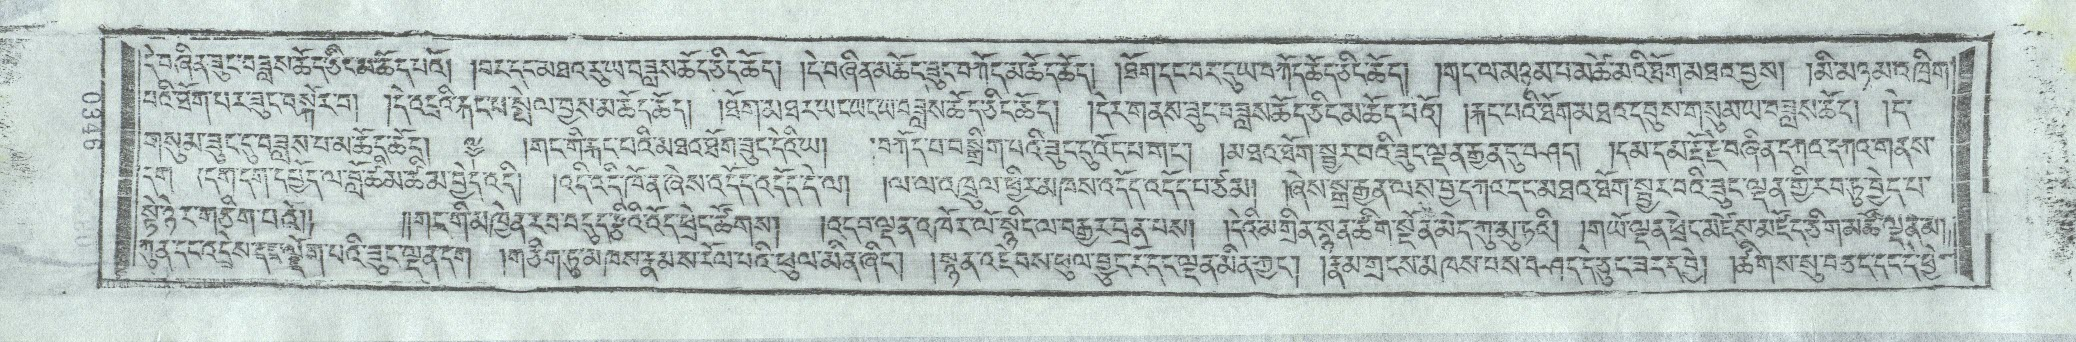དེ་བཞིན་ཟུང་བཟླས་ཆོད་ཅིང་མཆོད་པའོ། །བར་དང་མཐའ་རུ་ཡ་བཟླས་ཆོད་ཅིང་ཆོད། །དེ་བཞིན་མཆོད་ཟུང་བཀོད་མ་ཆོད་ཚོད། །ཐོག་དང་བར་དུ་ཡ་བཀོད་ཆོད་ཅིང་ཆོད། །གང་ལ་མཉམ་པ་མཚེ་མའི་ཐོག་མཐའ་བྱས། །མི་མཉམ་འཁྲིག་
པའི་ཐོག་པར་ཟུང་བསྐོར་བ། །དེ་འདྲའི་རྐང་པ་སྤེལ་བྱས་མཆོ་ཆོད། །ཐོག་མཐར་ཡང་ཡང་ཡ་བཟླས་ཆོད་ཅིང་ཆོད། །དེར་གནས་ཟུང་བཟླས་ཆོད་ཅིང་མ་ཆོད་པའོ། །རྐང་པའི་ཐོག་མཐའ་དབུས་གསུམ་ཡ་བཟླས་ཆོད། །?
གསུམ་ཟུང་དུ་བཟླས་པ་མ་ཆོད་ཆོད། ༈ །གང་གི་རྐང་པའི་མཐའ་ཐོག་ཟུང་དེའི་ཡ། །བཀོད་པ་བསྒྲིག་པའི་ཟུང་དུ་འོང་པ་གང་། །མཐའ་ཐོག་སྦྱར་བའི་ཟུང་ལྡན་རྒྱན་དུ་བཤད། དམ་དམ་རྡོ་རྗེ་བཞིན་དཀའ་དཀའ་བ་ནས?
དག །དག་དག་དཔྱོད་ལ་བློ་ཚིམ་བྱེད་འདི། འདི་འདི་ཁོ་ན་ཞེས་འདོད་འདོད་དེ་ལ། །ལ་ལ་འཁྲུལ་ཕྱིར་མཁས་འདོད་བཙམ། །ཞེས་སྒྲ་རྒྱན་ལས་བྱ་དཀའ་དང་མཐའ་ཐོག་སྦྱར་བའི་ཟུང་ལྡན་གྱི་རབ་ཏུ་བྱེད་པ་
སྟེ་ཉེར་གཅིག་པའོ།། །།གང་གི་མཁྱེན་རབ་བདུད་རྩིའི་འོད་ཕྲེང་ཚོགས་།འདབ་ལྡན་འཁོར་ལོ་སྙིང་ལ་བརྒྱར་བྲན་བས། །དེའི་མགྲིན་སྙན་ཚིག་སྔོན་མེད་ཀུ་མུ་ཏའི། །གཡོ་ལྡན་ཕྲེང་མཛེས་མཛོད་ཅིག་མཚོ་ལྡན་མ། །
ཀུན་དང་འཛྲེས་དང་ལྡོག་པའི་ཟུང་ལྡན་དག །གཅིག་ཏུ་མཁས་རྣམས་རོལ་པའི་ཕུལ་མིན་ཞིང་། སྙན་འཛེབས་ཕུལ་བྱུང་ངོ་དང་ལྡན་མིན་ཀྱང་། །རྣམ་གྲངས་མཁས་པས་བཤད་དེ་ཅུང་ཟ་དང་བྱེ། །ཚིགས་སུ་བཅད་དང་དེ་ཕྱེར་